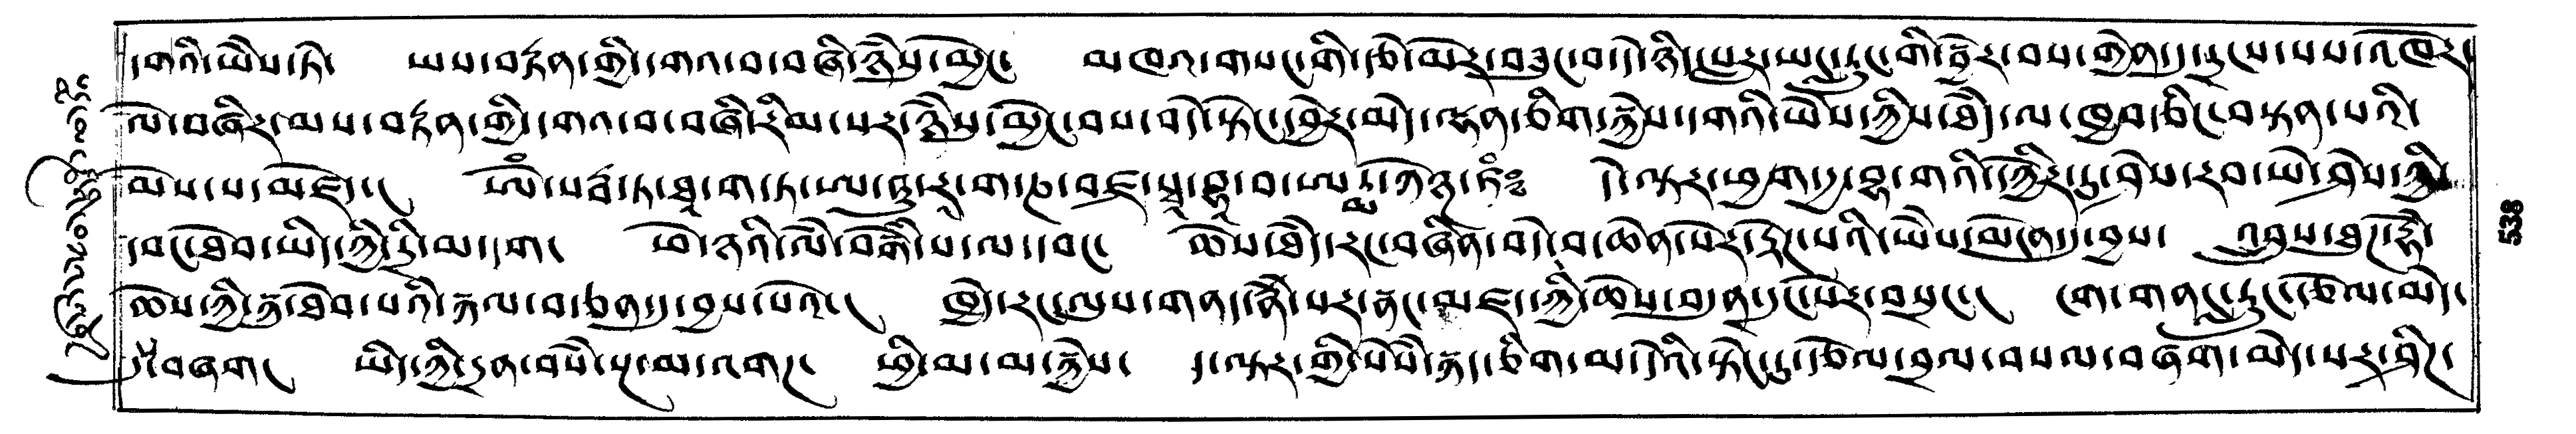དགའི་ཡེ་ཤེས་ཏེ། ཡས་བརྟན་གྱི་དགའ་བ་བཞི་ཉམས་སུ་མྱོང་། མཁའ་གསང་གི་རྩེ་མོར་བཟུང་བ་དེ་ཉིད་སླར་ཡང་རླུང་གི་སྦྱོར་བས་གྱེན་དུ་དྲངས་པས་འཁོར་
ལོ་བཞིར་མས་བརྟན་གྱི་དགའ་བ་བཞི་རིམ་པར་ཉམས་སུ་མྱོང་བས་བདེ་སྟོང་དབྱེར་མེད་ལྷན་ཅིག་སྐྱེས་དགའི་ཡེ་ཤེས་ཀྱིས་ཐམས་ཅད་ལ་ཁྱབ་ཅིང་བསྟན་པའི་
མོས་པ་མཛོད། ཨོཾ་སརྦ་ཏ་ཐཱ་ག་ཏ་ཨ་ནུརཱ་ག་ཎ་བཛྲ་སྭ་བྷཱ་བ་ཨརྨ་ཀོཉ་ཧཾ༔ དེ་ལྟར་ཕྱག་རྒྱ་བྷ་གའི་དཀྱིལ་འཁོར་དུ་ཤེས་རབ་ཡེ་ཤེས་ཀྱི་
དབང་ཐོབ། ཡིད་ཀྱི་དྲི་མ་དག ཕོ་ཉའི་ལམ་བསྒོམ་པ་ལ་དབང་། ཆོས་ཐམས་ཅད་རང་བཞིན་བདེ་བ་ཆེན་པོར་རྟོགས་པའི་ཡེ་ཤེས་མངོན་དུ་བྱས། འབྲས་བུ་ཐུགས་རྡོ་རྗེ་
ཆོས་ཀྱི་སྐུ་ཐོབ་པའི་སྐལ་བ་ཅན་དུ་བྱས་པའོ།། ཁྱེད་རང་ལུས་གནད་རྣམ་པར་སྣང་མཛད་ཀྱི་ཆོས་བདུན་དྲང་པོར་བསྲང་། ངག་གནད་རླུང་རྩོལ་མེད་
དུ་བཞག ཡིད་ཀྱི་དྲན་བསམ་སྔ་མ་འགགས། ཕྱི་མ་མ་སྐྱེས། ད་ལྟར་གྱི་སེམས་སྐད་ཅིག་མ་དེའི་སྟེང་དུ་རྩོལ་བྲལ་བསལ་བཞག་མེད་པར་ཤིགས་